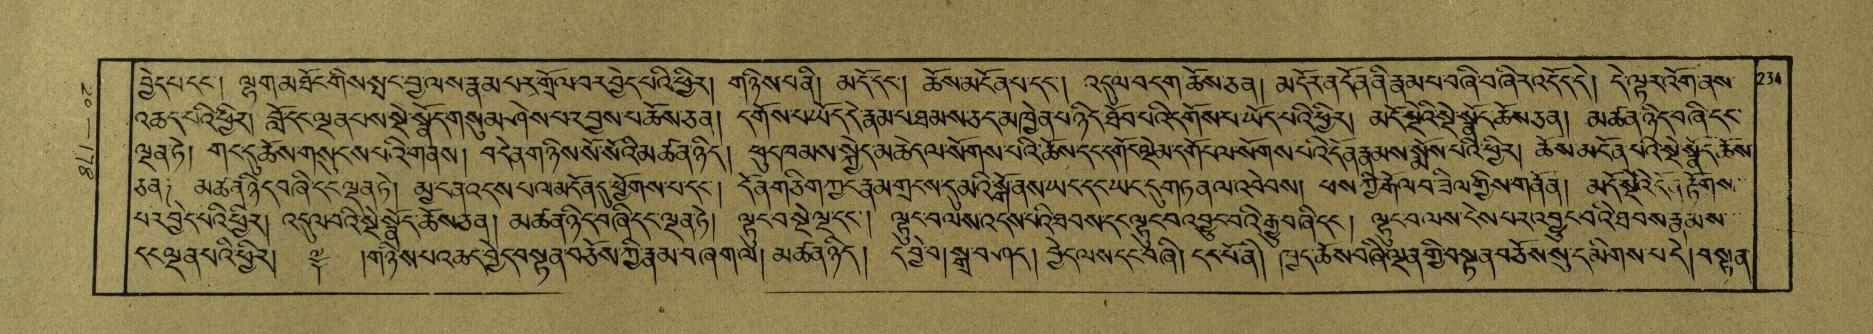བྱེད་པ་དང་། ལྷག་མཐོང་གིས་སྤང་བྱ་ལས་རྣམ་པར་གྲོལ་བར་བྱེད་པའི་ཕྱིར། གཉིས་པ་ནི། མདོ་དང་། ཆོས་མངོན་པ་དང་། འདུལ་བ་དག་ཆོས་ཅན། མདོར་ན་དོན་ནི་རྣམ་པ་བཞི་བཞིར་འདོད་དེ། དེ་ལྟར་འོག་ནས་
འཆད་པའི་ཕྱིར། བློ་དང་ལྡན་པས་སྡེ་སྣོད་གསུམ་ཤེས་པར་བྱས་པ་ཆོས་ཅན། དགོས་པ་ཡོད་དེ་རྣམ་པ་ཐམས་ཅད་མཁྱེན་པ་ཉིད་ཐོབ་པའི་དགོས་པ་ཡོད་པའི་ཕྱིར། མདོ་སྡེའི་སྡེ་སྣོད་ཆོས་ཅན། མཚན་ཉིད་བཞི་དང་
ལྡན་ཏེ། གང་དུ་ཆོས་གསུངས་པའི་གནས། བདེན་གཉིས་སོ་སོའི་མཚན་ཉིད། ཕུང་ཁམས་སྐྱེད་མཆེད་ལ་སོགས་པའི་ཆོས་དང་དགོང་ལྡེམ་དགོང་ལ་སོགས་པའི་དོན་རྣམས་སྨོས་པའི་ཕྱིར། ཆོས་མངོན་པའི་སྡེ་སྣོད་ཆོས་
ཅན༑ མཚན་ཉིད་བཞི་དང་ལྡན་ཏེ། མྱ་ངན་འདས་པ་ལ་མངོན་དུ་ཕྱོགས་པ་དང་། དོན་གཅིག་ཀྱང་རྣམ་གྲངས་དུ་མའི་སྒོ་ནས་ཡང་དང་ཡང་དུ་གཏན་ལ་འབེབས། ཕས་ཀྱི་རྒོལ་བ་ཟིལ་གྱིས་གནོན། མདོ་སྡེའི་དོན་རྟོགས་
པར་བྱེད་པའི་ཕྱིར། འདུལ་བའི་སྡེ་སྣོད་ཆོས་ཅན། མཚན་ཉིད་བཞི་དང་ལྡན་ཏེ། ལྟུང་བ་སྡེ་ལྔ་དང་། ལྟུང་བ་ལས་འདས་པའི་ཐབས་དང་ལྟུང་བ་འབྱུང་བའི་རྒྱུ་བཞི་དང་། ལྟུང་བ་ལས་ངེས་པར་འབྱུང་བའི་ཐབས་རྣམས་
དང་ལྡན་པའི་ཕྱིར། ༈ །གཉིས་པ་འཆད་བྱེད་བསྟན་བཅོས་ཀྱི་རྣམ་བཞག་ལ། མཚན་ཉིད། དབྱེ་བ། སྒྲ་བཤད། བྱེད་ལས་དང་བཞི། དང་པོ་ནི། ཁྱད་ཆོས་བཞི་ལྡན་གྱི་བསྟན་བཅོས་སུ་དམིགས་པ་དེ། བསྟན་